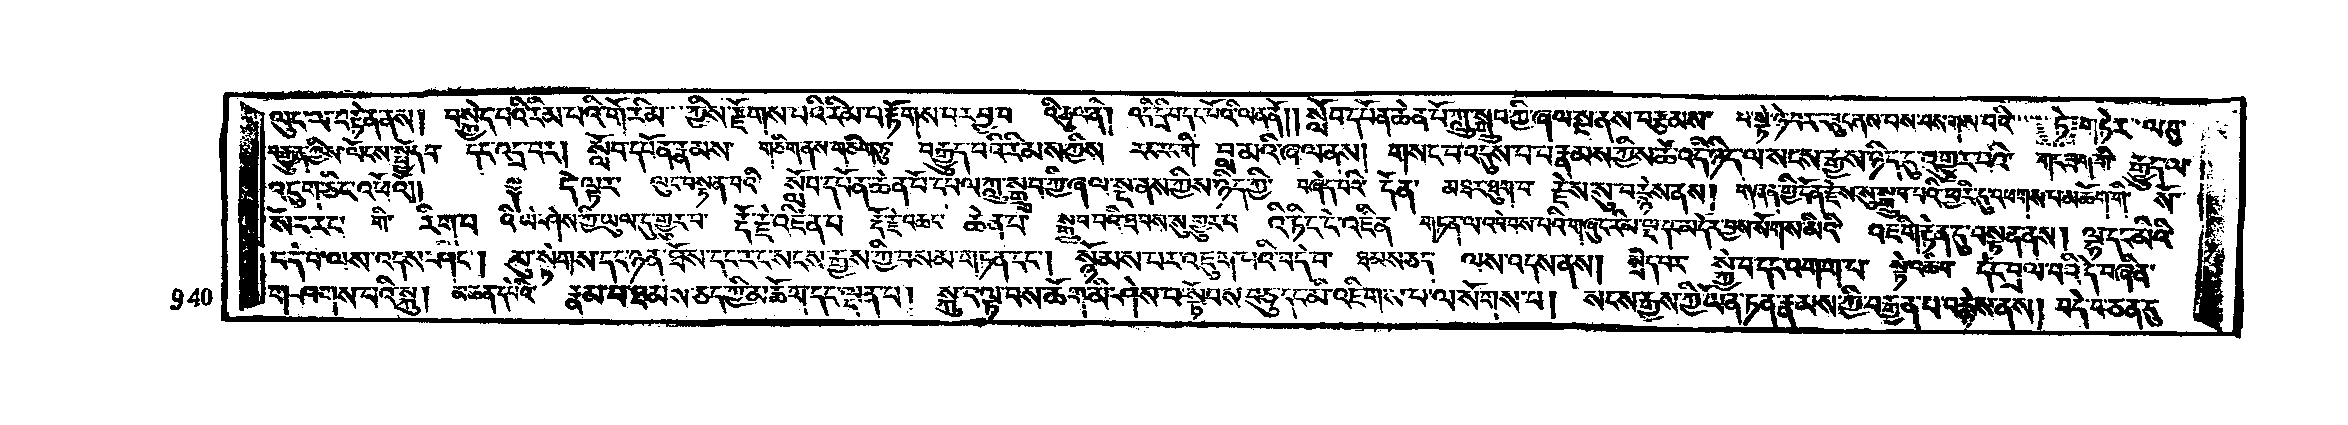ལུང་ལ་བརྟེན་ནས། བསྐྱེད་པའི་རིམ་པའི་གོ་རིམ་ཀྱིས་རྫོགས་པའི་རིམ་པ་རྟོགས་པར་བྱ་བའི་ཚུལ་ནི། འདི་དྲི་བ་དང་པོའི་ལན་ནོ། །སློབ་དཔོན་ཆེན་པོ་ཀླུ་སྒྲུབ་ཀྱི་ཞལ་སྔ་ནས་བརྩམས་པ་སྟེ་ཉེ་བར་བཟུང་ནས་པས་བསགས་པའི་ཏེ་གཏེར་ལ་བུ་
བརྒྱུན་ཀྱིས་ལོངས་སྤྱོད་པ་དང་འདྲ་བར། སློབ་དཔོན་རྣམས་གཅིག་ནས་གཅིག་ཏུ་བརྒྱུད་པའི་རིམས་ཀྱིས་རང་རང་གི་བླ་མའི་ཞལ་ནས། གསང་བ་འདུས་པ་པ་རྣམས་ཀྱིས་ཚེ་འདི་ཉིད་ལ་སངས་རྒྱས་ཉིད་དུ་འགྱུར་བའི་གང་ཟག་གི་རྒྱུད་ལ་
འཇུག་ཅིང་འཕོའོ།། ༈ དེ་ལྟར་ལུང་བསྟན་པའི་སློབ་དཔོན་ཆེན་པོ་དཔལ་ཀླུ་སྒྲུབ་ཀྱི་ཞལ་སྔ་ནས་ཀྱིས་ཉིད་ཀྱི་བཞེད་པའི་དོན་མཐར་ཐུག་པ་རྗེས་སུ་བརྙེས་ནས། གཞན་གྱི་དོན་རྗེས་སུ་སྒྲུབ་པའི་ཕྱིར་དུ་འཕགས་པ་མཆོག་གི་སོ་
སོར་རང་གི་རིག་པའི་ཡེ་ཤེས་ཀྱི་ཡུལ་དུ་གྱུར་པ་རྡོ་རྗེ་འཛིན་པ་རྡོ་རྗེ་འཆང་ཆེན་པོ་སྒྲུབ་པའི་ཐབས་སུ་གྱུར་པའི་ཏིང་ངེ་འཛིན་གཏན་ལ་འབེབས་པའི་གཞུང་རིམ་ལྔ་དང་མདོར་བྱས་སོགས་མིའི་འཇིག་རྟེན་དུ་བསྟན་ནས། ལྷ་དང་མིའི་
བདེ་བ་ལས་འདས་ཤིང་། མུ་སྟེགས་དང་ཉན་ཐོས་དང་རང་སངས་རྒྱས་ཀྱི་བསམ་གཏན་དང་། སྙོམས་པར་འཇུག་པའི་བདེ་བ་ཐམས་ཅད་ལས་འདས་ནས། སྲིད་པར་སྐྱེ་བ་དང་འགག་པ་སྟེ་འཆི་བ་དེང་བྲལ་བའི་དེ་བཞིན་
གཤེགས་པའི་སྐུ། མཚན་དཔེའི་རྣམ་པ་ཐམས་ཅད་ཀྱི་མཆོག་དང་ལྡན་པ། སྐུ་བལྟ་བས་ཆོག་མི་ཤེས་པ་སྟོབས་བཅུ་དང་མི་འཇིགས་པ་ལ་སོགས་པ། སངས་རྒྱས་ཀྱི་ཡོན་ཏན་རྣམས་ཀྱི་བརྒྱན་པ་བརྙེས་ནས། བདེ་བ་ཅན་དུ་